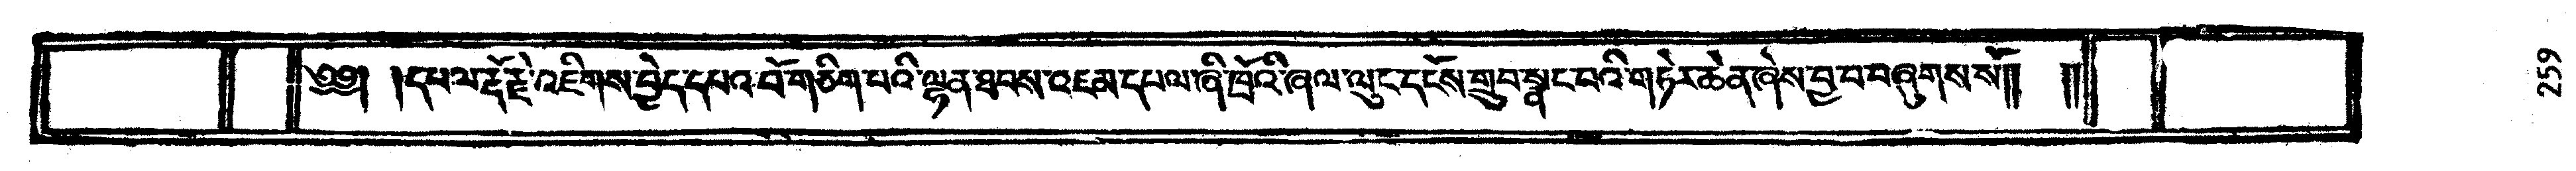༄༅། །དཔལ་རྡོ་རྗེ་འཇིགས་བྱེད་དཔའ་བོ་གཅིག་པའི་ལྷན་ཐབས་འཇམ་དཔལ་ཞི་ཁྲོའི་ཞལ་ལུང་དངོས་གྲུབ་སྣང་བའི་གཏེར་ཆེན་ཞེས་བྱ་བ་བཞུགས་སོ།། །།